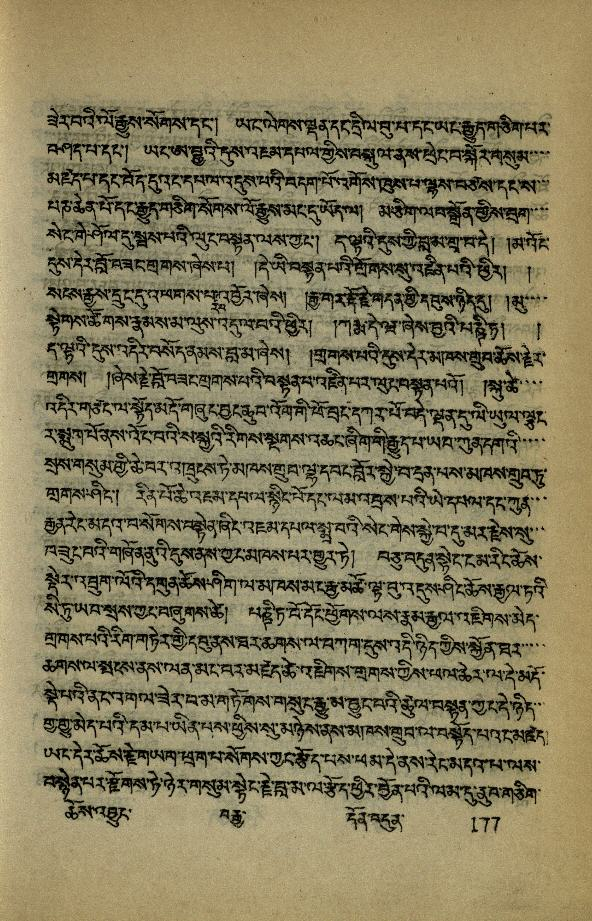ཟེར་བའི་ལོ་རྒྱུས་སོགས་དང་། ཡང་ལེགས་ལྡན་དང་དྲིལ་བུ་པ་དང་ཡང་རྒྱུད་གཅིག་པར་
བཤད་པ་དང་། ཡང་ཨ་བྷྱའི་དུས་འཇམ་དཔལ་གྱིས་བསྐུལ་ནས་ཕྲེང་བ་སྐོར་གསུམ་
མཛད་པ་དང་བོད་དུའང་དཔལ་འདུས་པའི་བདག་པོ་འགོས་ཁུས་པ་ལྷས་བཙས་དང་ས་
པཎ་ཆེན་པོ་དང་རྒྱུད་གཅིག་སོགས་ལོ་རྒྱུས་མང་དུ་ཡོད་ལ། མ་ཅིག་ལབ?་སྒྲོན་གྱིས་བྲག་
སེང་གེ་ཤོལ་དུ་སྦས་པའི་ལུང་བསྟན་ལས་ཀྱང་། ད་ལྟའི་དུས་ཀྱི་བླ་མ་གྲྭ་པ་དེ། །མ་འོང་
དུས་དེར་བློ་བཟང་གྲགས་ཞེས་པ། །དེ་ཡི་བསྟན་པའི་གྲོགས་སུ་འཛིན་པའི་ཕྱིར། །
སངས་རྒྱས་དྲུང་དུ་འཕགས་པ་རབ་འབྱོར་ཞེས། །རྒྱ་གར་རྡོ་རྗེ་གདན་གྱི་དབུས་ཉིད་དུ། །མུ་
སྟེགས་ཚོགས་རྣམས་མ་ལུས་འདུལ་བའི་ཕྱིར། །ཀརྨ་དེ་ཝ་ཞེས་བྱའི་པཎྜི་ཏ། །
ད་ལྟའི་དུས་འདིར་བསོད་ནམས་བླ་མ་ཞེས། །གྲགས་པའི་དུས་དེར་མཁས་གྲུབ་ཆོས་རྗེར་
གྲགས། །ཞེས་རྗེ་བློ་བཟང་གྲགས་པའི་བསྟན་པ་འཛིན་པར་ལུང་བསྟན་པའོ། །སྐུ་ཚེ་
འདིར་གཙང་ལ་སྟོད་མདོ་གཞུང་བྱང་ཆུབ་འོག་གི་ཕོ་བྲང་དཀར་པོ་བདེ་ལྡན་དུ་ལི་ཡུལ་ལྕང་
ར་སྨུག་པོ་ནས་འོང་བའི་ས་སྐྱའི་རིགས་སྔགས་འཆང་ཞིག་གི་རྒྱུད་པ་ཡབ་ཀུན་དགའི་
སྲས་གསུམ་གྱི་ཆེ་བར་འཁྲུངས་ཏེ་མཁས་གྲུབ་ལྷ་དབང་བློར་སྐྱེ་བ་དྲན་པས་མཁས་གྲུབ་ཏུ་
གྲགས་ཤིང་། རིན་པོ་ཆེ་འཇམ་དཔལ་སྙིང་པོ་དང་ལམ་འབྲས་པའི་ཡེ་དཔལ་དང་ཀུན་
རྒྱན་རེད་མདའ་བ་སོགས་བསྟེན་ཞིང་འཇམ་དཔལ་སྨྲ་བའི་སེང་གེས་སྐྱེ་བ་དུ་མར་རྗེས་སུ་
བཟུང་བའི་གཞོན་ནུའི་དུས་ནས་ཀྱང་མཁས་པར་གྱུར་ཏེ། བཅུ་བདུན་སྟེང་ངམ་རིང་ཆོས་
སྡེར་འབྲུག་ལོའི་དགུན་ཆོས་ཤིག་ལ་མཁས་མང་རྒྱ་མཚོ་ལྟ་བུ་འདུས་ཤིང་ཆོས་རྒྱལ་ཏའི་
སི་ཏུ་ཡབ་སྲས་ཀྱང་བཞུགས་ཚེ། པཎྜི་ཏ་བོ་དོང་ཕྱོགས་ལས་རྣམ་རྒྱལ་འཇིགས་མེད་
གྲགས་པའི་རིག་གཏེར་གྱི་དབུ་ནས་ཐར་ཆགས་ལ་བཀག་དུས་འདི་ཉིད་ཀྱིས་སྐྱོན་ཐར་
ཆགས་ལ་སྤངས་ནས་ལན་མང་བར་མཛད་ཚེ་འཇིགས་གྲགས་ཀྱིས་ཕལ་ཆེར་ལ་དེ་མདོ་
སྡེ་པའི་ནང་འགལ་ཟེར་བ་མ་གཏོགས་གསུང་རྒྱུ་མ་བྱུང་བའི་ཚུལ་བསྟན་ཀྱང་དེ་ཉིད་
གྱ་གྱུ་མེད་པའི་དམ་པ་ཡིན་པས་ཕྱིས་སུ་མཉེས་ནས་མཁས་གྲུབ་ལ་བསྟོད་པའང་མཛད།
ཡང་དེར་ཆོས་རྗེ་གཡག་ཕྲག་པ་སོགས་ཀྱང་རྩོད་པས་ཕམ་དེ་ནས་རེང་མདའ་པ་ལས་
བསྙེན་པར་རྫོགས་ཏེ་ཉེར་གསུམ་སྟེང་རྗེ་བླ་མ་ལ་རྩོད་ཕྱིར་བྱོན་པའི་ལམ་དུ་ནུབ་གཅིག་